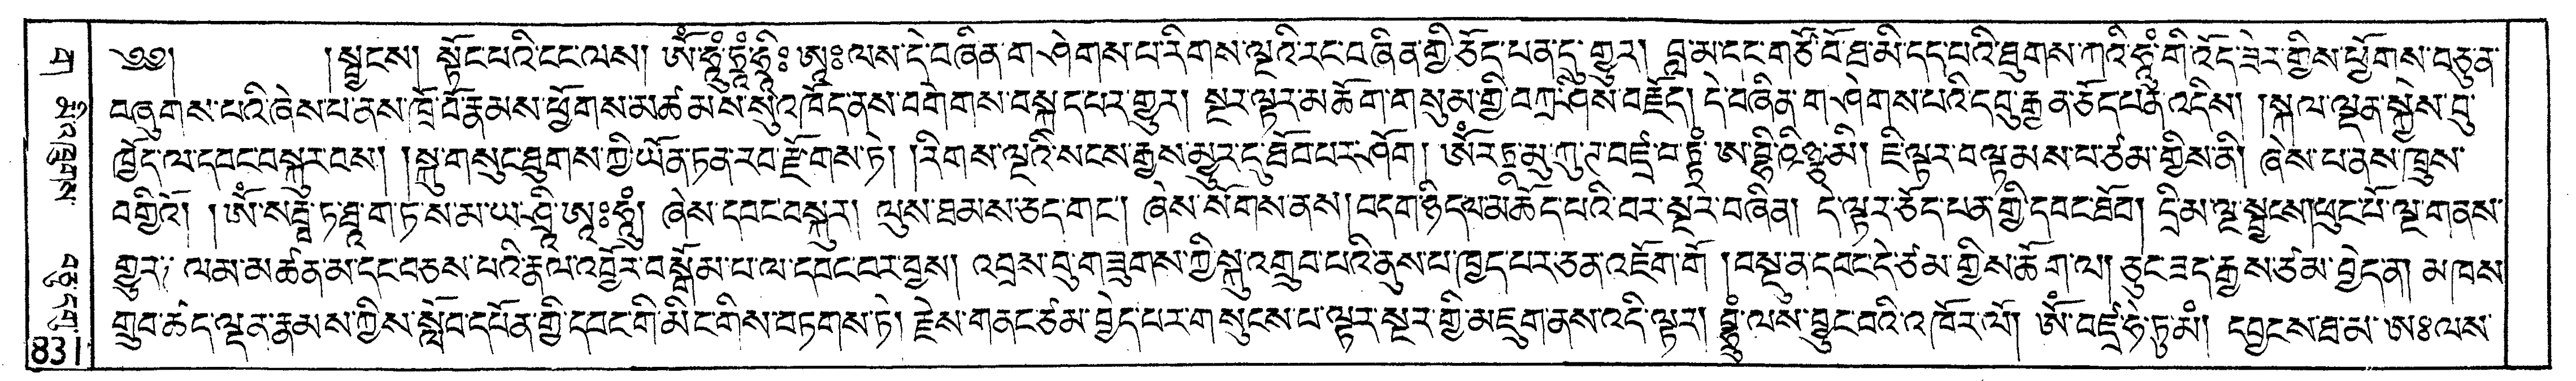༄༅། །སྦྱངས། སྟོང་པའི་ངང་ལས། ཨོཾ་ཧཱུཾ་ཧྲཱཾ་ཧྲཱིཿ ཨཱཿ ལས་དེ་བཞིན་གཤེགས་པ་རིགས་ལྔའི་རང་བཞིན་གྱི་ཅོད་པན་དུ་གྱུར། བླ་མ་དང་གཙོ་བོ་ཐ་མི་དད་པའི་ཐུགས་ཀའི་ཧཱུཾ་གི་འོད་ཟེར་གྱིས་ཕྱོགས་བཅུ་ན་
བཞུགས་པའི་ཞེས་པ་ནས་ཁྲོ་བོ་རྣམས་ཕྱོགས་མཚམས་སུ་འཁོད་ནས་བགེགས་བསྐྲད་པར་གྱུར། སྔར་ལྟར་མཆོག་གསུམ་གྱི་བཀྲ་ཤིས་བརྗོད། དེ་བཞིན་གཤེགས་པའི་དབུ་རྒྱན་ཅོད་པན་འདིས། །སྐལ་ལྡན་སྐྱེས་བུ་
ཁྱོད་ལ་དབང་བསྐུར་བས། །སྐུ་གསུང་ཐུགས་ཀྱི་ཡོན་ཏན་རབ་རྫོགས་ཏེ། །རིགས་ལྔའི་སངས་རྒྱས་མྱུར་དུ་ཐོབ་པར་ཤོག །ཨོཾ་རཏྣ་མུ་ཀུ་ཊ་བཛྲ་བ་ཏྟྲཾ་ཨ་བྷི་ཥིཉྩ་མི། ཇི་ལྟར་བལྟམས་པ་ཙམ་གྱིས་ནི། ཞེས་པ་ནས་ཁྲུས་
བགྱིའོ། །ཨོཾ་སརྦྦ་ཏ་ཐཱ་ག་ཏ་ས་མ་ཡ་ཤྲཱི་ཨཱཿ ཧཱུཾ། ཞེས་དབང་བསྐུར། ལུས་ཐམས་ཅད་གང་། ཞེས་སོགས་ནས། བདག་ཉིད་ལ་མཆོད་པའི་བར་སྔར་བཞིན། དེ་ལྟར་ཅོད་པན་གྱི་དབང་ཐོབ། དྲི་མ་ལྔ་སྦྱངས། ཕུང་པོ་ལྔ་གནས་
གྱུར༑ ལམ་མཚན་མ་དང་བཅས་པའི་རྣལ་འབྱོར་བསྒོམ་པ་ལ་དབང་བར་བྱས། འབྲས་བུ་གཟུགས་ཀྱི་སྐུ་འགྲུབ་པའི་ནུས་པ་ཁྱད་པར་ཅན་འཇོག་གོ །བསྡུ་ན་དབང་དེ་ཙམ་གྱིས་ཆོག་ལ། ཅུང་ཟད་རྒྱས་ཙམ་བྱེད་ན། མཁས་
གྲུབ་ཚད་ལྡན་རྣམས་ཀྱིས་སློབ་དཔོན་གྱི་དབང་གི་མིང་གིས་བཏགས་ཏེ། རྗེས་གནང་ཙམ་བྱེད་པར་གསུངས་པ་ལྟར་སྔར་གྱི་མཇུག་ནས་འདི་ལྟར། བྷྲུཾ་ལས་བྱུང་བའི་འཁོར་ལོ། ཨོཾ་བཛྲ་ཧེ་ཏུ་མཾ། དབྱངས་ཐ་མ་ཨཿ ལས་